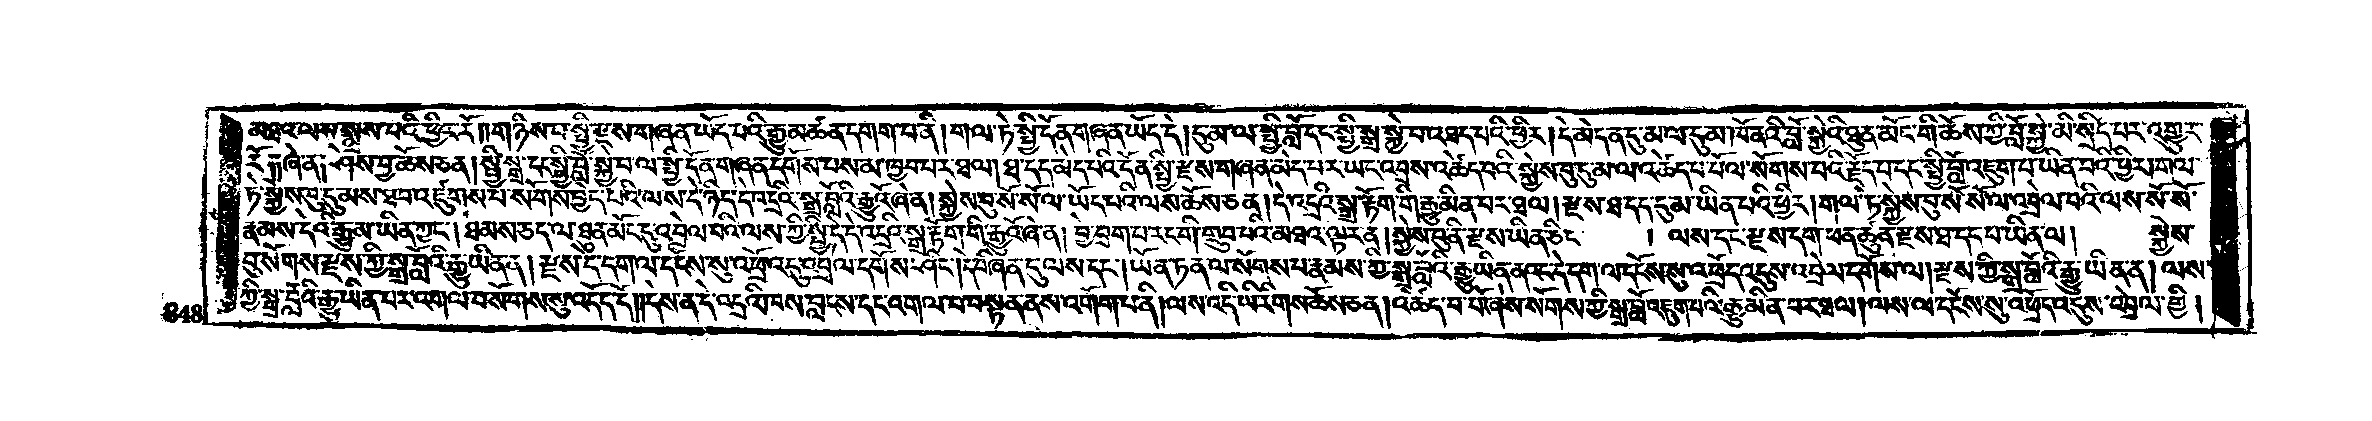མཐའ་ལས་སྨྲས་པའི་ཕྱིར་རོ། །གཉིས་པ་སྤྱི་རྫས་གཞན་ཡོད་པའི་རྒྱུ་མཚན་དགག་པ་ནི། གལ་ཏེ་སྤྱི་དོན་གཞན་ཡོད་དེ། དུ་མ་ལ་སྤྱི་བློ་དང་སྤྱི་སྒྲ་སྐྱེ་བ་འཐད་པའི་ཕྱིར། དེ་མེད་ན་དུ་མ་ལ་དུ་མ་ཁོ་ནའི་བློ་སྐྱེའི་ཐུན་མོང་གི་ཆོས་ཀྱི་བློ་སྐྱེ་མི་སྲིད་པར་འགྱུར་
རོ། །ཞེ་ན། ཤེས་བྱ་ཆོས་ཅན། སྤྱི་སྒྲ་དང་སྤྱི་བློ་སྐྱེ་བ་ལ་སྤྱི་དོན་གཞན་དགོས་པས་མ་ཁྱབ་པར་ཐལ། ཐ་དད་མེད་པའི་དོན་སྤྱི་རྫས་གཞན་མེད་པར་ཡང་འབྲས་འཚེད་པའི་སྐྱེས་བུ་དུ་མ་ལ་འཚེད་པ་པོ་ལ་སོགས་པའི་རྗོད་པ་དང་སྤྱི་བློ་འཇུག་པ་ཡིན་པའི་ཕྱིར། གལ་
ཏེ་སྐྱེས་བུ་དུ་མས་ཐབ་འཛུགས་པ་སོགས་བྱེད་པའི་ལས་དེ་ཉིད་དེ་འདྲའི་སྒྲ་བློའི་རྒྱུའོ་ཞེ་ན། སྐྱེས་བུ་སོ་སོ་ལ་ཡོད་པའི་ལས་ཆོས་ཅན། དེ་འདྲའི་སྒྲ་རྟོག་གི་རྒྱུ་མིན་པར་ཐལ། རྫས་ཐ་དད་དུ་མ་ཡིན་པའི་ཕྱིར། གལ་ཏེ་སྐྱེས་བུ་སོ་སོ་ལ་འབྲེལ་བའི་ལས་སོ་སོ་
རྣམས་དེའི་རྒྱུ་མ་ཡིན་ཀྱང་། ཐམས་ཅད་ལ་ཐུན་མོང་དུ་འབྲེལ་བའི་ལས་ཀྱི་སྤྱི་དེ་དེ་འདྲའི་སྒྲ་རྟོག་གི་རྒྱུའོ་ཞེ་ན། བྱེ་བྲག་པ་རང་གི་གྲུབ་པའི་མཐའ་ལྟར་ན། སྐྱེས་བུ་ནི་རྫས་ཡིན་ཅིང་། ལས་དང་རྫས་དག་ཕན་ཚུན་རྫས་ཐ་དད་པ་ཡིན་ལ། སྐྱེས་
བུ་སོགས་རྫས་ཀྱི་སྒྲ་བློའི་རྒྱུ་ཡིན་ན། རྫས་དེ་དག་ལ་དངོས་སུ་འཕྲོ་འདུ་འབྲེལ་དགོས་ཤིང་། དེ་བཞིན་དུ་ལས་དང་། ཡོན་ཏན་ལ་སོགས་པ་རྣམས་ཀྱི་སྒྲ་བློའི་རྒྱུ་ཡིན་ནའང་དེ་དག་ལ་དངོས་སུ་འཕྲོད་འདུས་འབྲེལ་དགོས་ལ། རྫས་ཀྱི་སྒྲ་བློའི་རྒྱུ་ཡིན་ན། ལས་
ཀྱི་སྒྲ་བློའི་རྒྱུ་ཡིན་པར་འགལ་བ་སོགས་སུ་འདོད་དོ། །དེས་ན་དེ་འདྲའི་ཁས་བླངས་དང་འགལ་བ་བསྟན་ནས་འགོག་པ་ནི། ལས་འདི་ཡི་རིགས་ཆོས་ཅན། འཚེད་པ་པོ་ཞེས་སོགས་ཀྱི་སྒྲ་བློ་འཇུག་པའི་རྒྱུ་མིན་པར་ཐལ། ལས་ལ་དངོས་སུ་འཕྲོད་འདུས་འབྲེལ་གྱི།